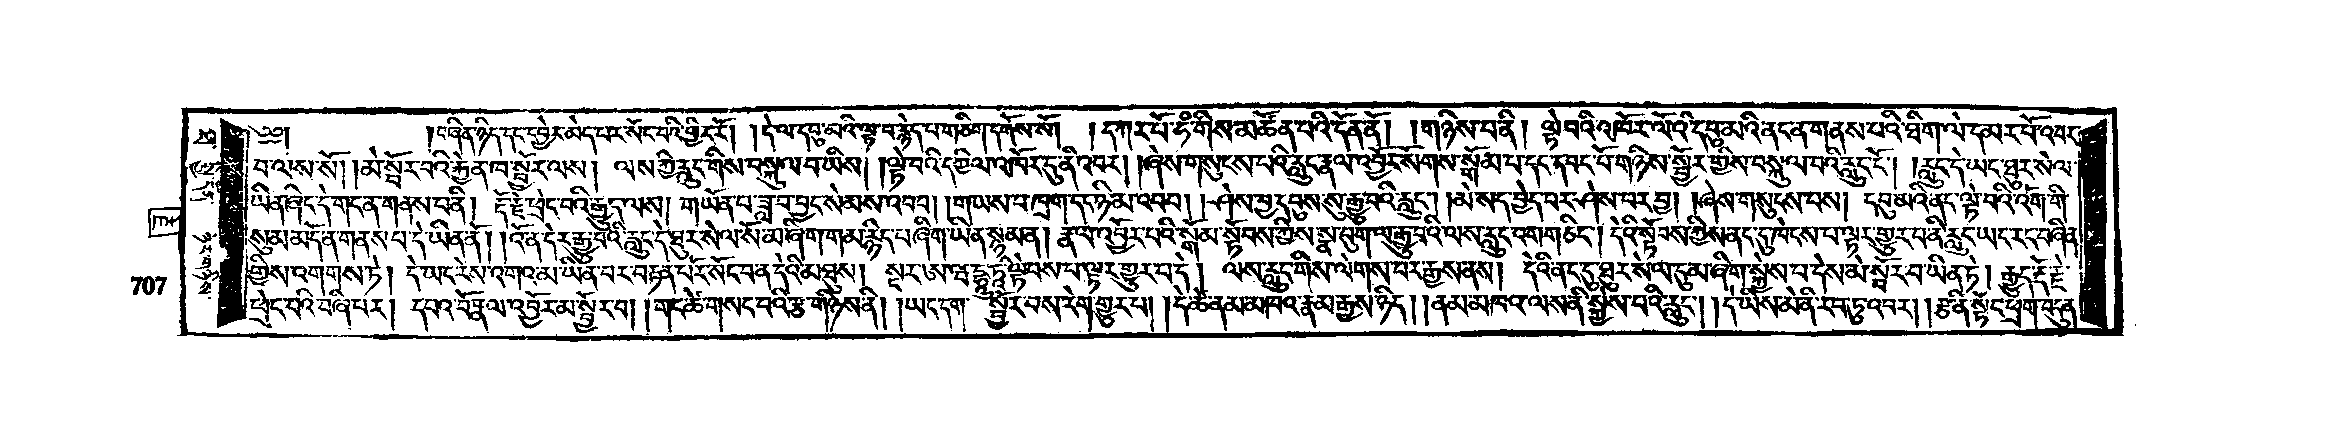༄༅། །བཞིན་ཉིད་དང་དབྱེར་མེད་པར་སོང་བའི་ཕྱིར་རོ། །དེ་ལ་དབུ་མའི་ལྟ་བ་རྙེད་པ་གཅིག་དགོས་སོ། །དཀར་པོ་ཧཾ་གིས་མཚོན་པའི་དོན་ནོ། །གཉིས་པ་ནི། ལྟེ་བའི་འཁོར་ལོའི་དབུ་མའི་ནང་ན་གནས་པའི་ཐིག་ལེ་དམར་པོ་འབར་
བ་ལས་སོ། །མེ་སྤོར་བའི་རྐྱེན་ཁ་སྦྱོར་ལས། ལས་ཀྱི་རླུང་གིས་བསྐུལ་བ་ཡིས། །ལྟེ་བའི་དཀྱིལ་འཁོར་དུ་ནི་འབར། །ཞེས་གསུངས་པའི་རླུང་རྣལ་འབྱོར་སོགས་སྒོམ་པ་དང་དབང་པོ་གཉིས་སྦྱོར་གྱིས་བསྐུལ་བའི་རླུང་ངོ། །རླུང་དེ་ཡང་ཐུར་སེལ་
ཡིན་ཞིང་དེ་གང་ན་གནས་པ་ནི། རྡོ་རྗེ་ཕྲེང་བའི་རྒྱུད་ལས། གཡོན་པ་ཟླ་བ་བྱང་སེམས་འབབ། །གཡས་པ་ཁྲག་དང་ཉི་མ་འབབ། །ཤེས་བྱ་དབུས་སུ་རྒྱུ་བའི་རླུང་། །མེ་སད་བྱེད་པར་ཤེས་པར་བྱ། །ཞེས་གསུངས་པས། དབུ་མའི་ནང་ལྟེ་བའི་འོག་གི་
སུམ་མདོ་ན་གནས་པ་དེ་ཡིན་ནོ། །འོ་ན་དེར་རྒྱུ་བའི་རླུང་དེ་ཐུར་སེལ་སོ་མ་ཞིག་གམ་རྙིད་པ་ཞིག་ཡིན་སྙམ་ན། རྣལ་འབྱོར་པའི་སྒོམ་སྟོབས་ཀྱིས་སྣ་བུག་ལ་རྒྱུ་བའི་ལས་རླུང་འགག་ཅིང་། དེའི་སྟོབས་ཀྱིས་ནང་དུ་ཁེངས་པ་ལྟར་གྱུར་པ་ནི་རླུང་ཡང་རང་བཞིན་
གྱིས་འགགས་ཏེ། དེ་ཡང་རེས་འགའ་མ་ཡིན་པར་བརྟན་པོར་སོང་བ་ན་དེའི་མཐུས། སྔར་ཨ་ཝ་དྷཱུ་ཏཱི་ལྟེབས་པ་ལྟར་གྱུར་པ་དེ། ལས་རླུང་གིས་ལེགས་པར་རྒྱས་ནས། དེའི་ནང་དུ་ཐུར་སེལ་དུ་མ་ཞིག་སྐྱེས་པ་དེས་མེ་སྦོར་བ་ཡིན་ཏེ། རྒྱུད་རྡོ་རྗེ་
ཕྲེང་བའི་བཞི་པར། དཔའ་བོ་རྣལ་འབྱོར་མ་སྦྱོར་བ། །གང་ཚེ་གསང་བའི་རྩ་གཉིས་ནི། །ཡང་དག་སྦྱོར་བས་རེག་གྱུར་པ། །དེ་ཚེ་ནམ་མཁའ་རྣམ་རྒྱས་ཉིད། །ནམ་མཁའ་ལས་ནི་སྐྱེས་པའི་རླུང་། །དེ་ཡིས་མེ་ནི་རབ་ཏུ་འབར། །རྩ་ནི་སྟོང་ཕྲག་བདུན་